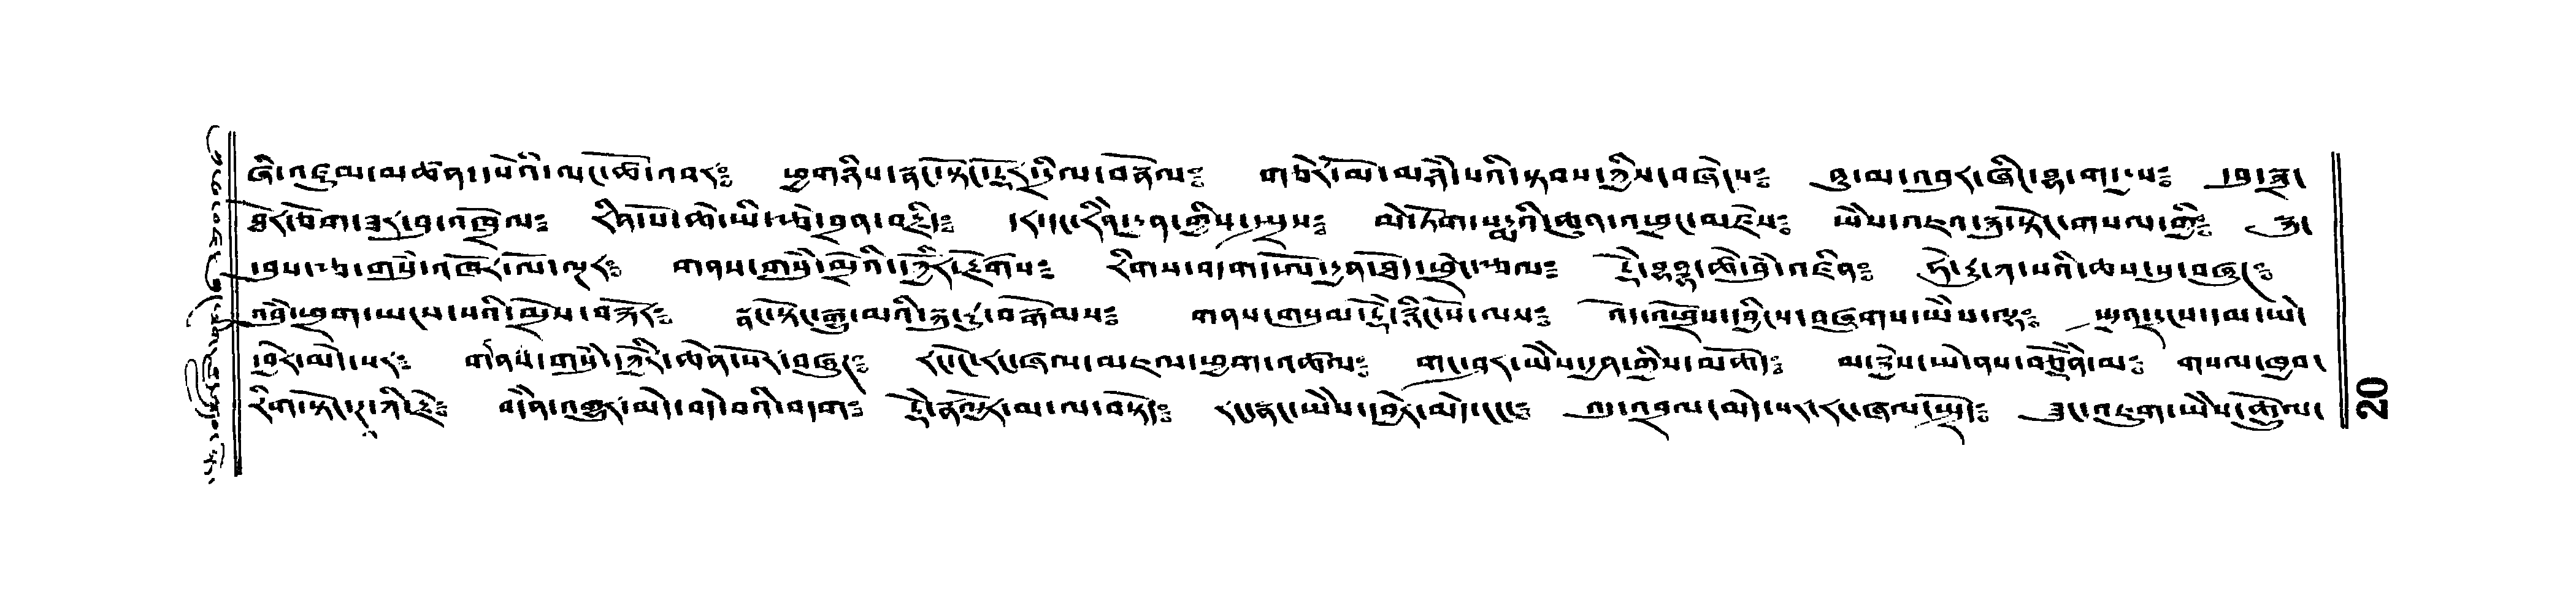ཞི་འཛུམ་མཚན་དཔེའི་ལང་ཚོ་འབར༔ ཕྱག་གཉིས་སྣང་སྟོང་རྡོར་དྲིལ་བསྣོལ༔ གཅེར་མོ་མཉམ་པའི་སྟབས་ཀྱིས་བཞེངས༔ ནུ་མ་འབུར་ཞིང་བྷ་ག་རྒྱས༔ དབུ་སྐྲ་
ཐོར་ཅོག་ཟར་བུ་འཁྲོལ༔ རིན་པོ་ཆེ་ཡི་རྩེ་བྲན་བརྗིད༔ དར་དང་རིན་ཆེན་རྒྱན་གྱིས་སྤྲས༔ མེ་ཏོག་པདྨའི་ཆུན་འཕྱང་མཛེས༔ ཡེ་ཤེས་འཇའ་སྐུ་སྟོང་གསལ་གྱི༔ སྐུ་
དབུས་རྩ་གསུམ་འཁོར་ལོ་ལྔར༔ གནས་གསུམ་མཁའ་འགྲོའི་དཀྱིལ་འཁོར་རྫོགས༔ རིགས་བདག་ཨོ་རྒྱན་ཐོད་ཕྲེང་རྩལ༔ རྡོ་རྗེ་བྷནྡྷ་ཚེ་བུམ་འཛིན༔ ཧེ་རུ་ཀ་པའི་ཆས་སུ་བཞུགས༔ 
འབུམ་ཕྲག་ཡངས་པའི་མཁའ་འགྲོས་བསྐོར༔ སྣང་སྟོང་སྒྱུ་མའི་སྐུ་རུ་བསྒོམས༔ གནས་གསུམ་རྡོ་རྗེ་སྙིང་པོ་ལས༔ འོད་འཕྲོས་དབྱིངས་བཞུགས་ཡེ་ཤེས་ལྷ༔ སྤྱན་དྲངས་དམ་ཡེ་
དབྱེར་མེད་པར༔གནས་གསུམ་དཀྱིལ་འཁོར་ཆེན་པོར་བཞུགས༔ རང་ངོ་རང་ཞལ་མཇལ་ཕྱག་འཚལ༔ གང་ཤར་ཡེ་ཤེས་རྒྱན་གྱིས་མཆོད༔ མ་སྐྱེས་ཡེ་ནས་བཅོམ་ལྡན་ལ༔ གསལ་ཁྱབ་
རིག་སྟོང་ཌཱ་ཀི་རྗེ༔ བདེ་ཆེན་འགྱུར་མེད་བདེ་བའི་བདག༔ རྡོ་རྗེ་རྣལ་འབྱོར་མ་ལ་བསྟོད༔ རང་སྣང་ཡེ་ཤེས་དབྱེར་མེད་ངང༔ འདུ་འབྲལ་མེད་པར་རང་ཞལ་སྤྲོད༔ ཟུང་འཇུག་ཡེ་ཤེས་ཆོ་འཕྲུལ་